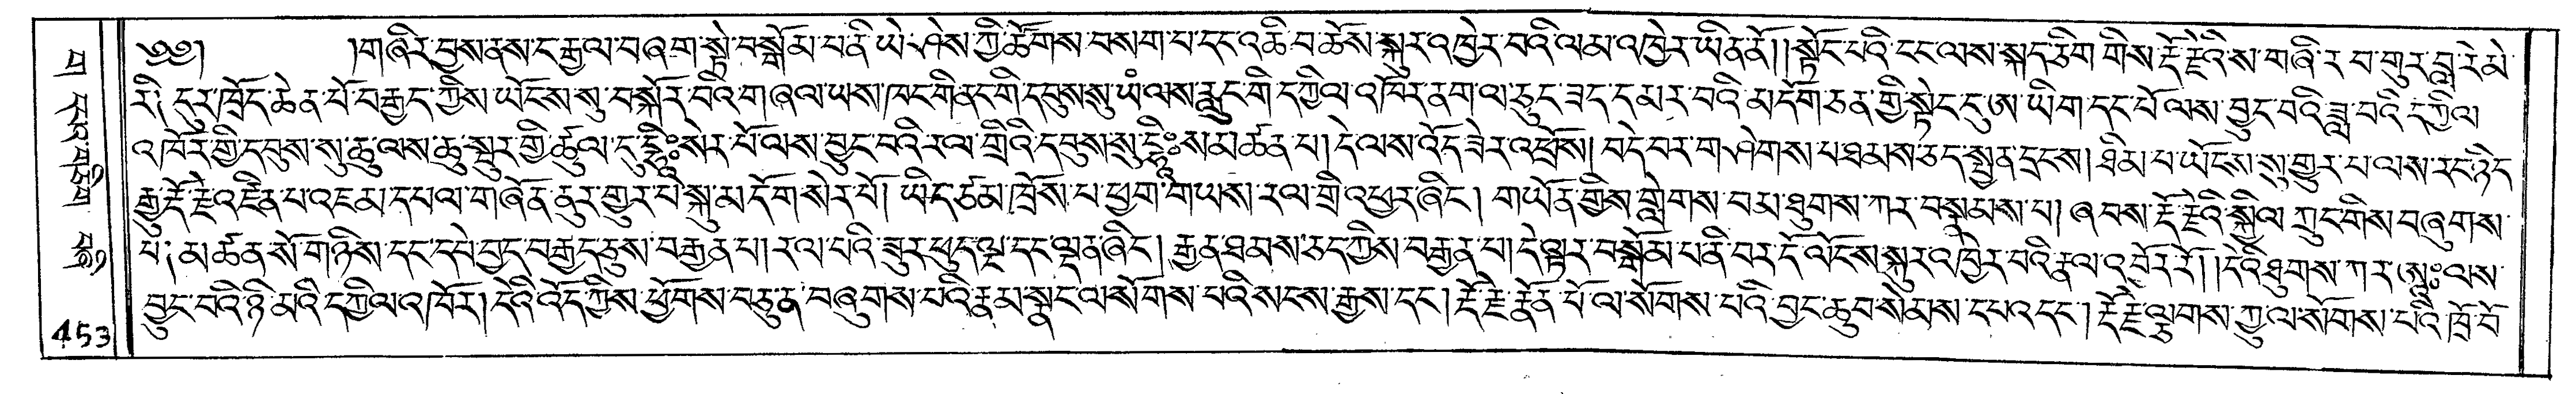༄༅། །གཞིར་བྱས་ནས་ང་རྒྱལ་བཞག་སྟེ་བསྒོམ་པ་ནི་ཡེ་ཤེས་ཀྱི་ཚོགས་བསག་པ་དང་འཆི་བ་ཆོས་སྐུར་འཁྱེར་བའི་ལམ་འཁྱེར་ཡིན་ནོ། །སྟོང་པའི་ངང་ལས་སྐད་ཅིག་གིས་རྡོ་རྗེའི་ས་གཞི་རབ་གུར་བླ་རེ་མེ་
རི༑ དུར་ཁྲོད་ཆེན་པོ་བརྒྱད་ཀྱིས་ཡོངས་སུ་བསྐོར་བའི་གཞལ་ཡས་ཁང་གི་ནང་གི་དབུས་སུ་ཡཾ་ལས་རླུང་གི་དཀྱིལ་འཁོར་ནག་ལ་ཅུང་ཟད་དམར་བའི་མདོག་ཅན་གྱི་སྟེང་དུ་ཨ་ཡིག་དང་པོ་ལས་བྱུང་བའི་ཟླ་བའི་དཀྱིལ་
འཁོར་གྱི་དབུས་སུ་ཆུ་ལས་ཆུ་སྦུར་གྱི་ཚུལ་དུ་དྷཱིཿ སེར་པོ་ལས་བྱུང་བའི་རལ་གྲིའི་དབུས་སུ་དྷཱིཿ ས་མཚན་པ། དེ་ལས་འོད་ཟེར་འཕྲོས། བདེ་བར་གཤེགས་པ་ཐམས་ཅད་སྤྱན་དྲངས། ཐིམ་པ་ཡོངས་སུ་གྱུར་པ་ལས་རྣག་ཉིད་
རྒྱུ་རྡོ་རྗེ་འཛིན་པ་འཇམ་དཔལ་གཞོན་ནུར་གྱུར་པ་སྐུ་མདོག་སེར་པོ། ཡིད་ཙམ་ཁྲོས་པ་ཕྱག་གཡས་རལ་གྲི་འཕྱར་ཞིང་། གཡོན་གྱིས་གླེགས་བམ་ཐུགས་ཀར་བསྣམས་པ། ཞབས་རྡོ་རྗེའི་སྐྱིལ་ཀྲུང་གིས་བཞུགས་
པ༑ མཚན་སོ་གཉིས་དང་དཔེ་བྱད་བརྒྱད་ཅུས་བརྒྱན་པ། རལ་པའི་ཟུར་ཕུད་ལྔ་དང་ལྡན་ཞིང་། རྒྱན་ཐམས་ཅད་ཀྱིས་བརྒྱན་པ། དེ་ལྟར་བསྒོམ་པ་ནི་བར་དོ་ལོངས་སྐུར་འཁྱེར་བའི་རྣལ་འབྱོར་རོ། །དེའི་ཐུགས་ཀར་ཨཱཿ ལས་
བྱུང་བའི་ཉི་མའི་དཀྱིལ་འཁོར། དེའི་འོད་ཀྱིས་ཕྱོགས་བཅུ་ན་བཞུགས་པའི་རྣམ་སྣང་ལ་སོགས་པའི་སངས་རྒྱས་དང་། རྡོ་རྗེ་རྣོན་པོ་ལ་སོགས་པའི་བྱང་ཆུབ་སེམས་དཔའ་དང་། རྡོ་རྗེ་ལྕགས་ཀྱུ་ལ་སོགས་པའི་ཁྲོ་བོ་